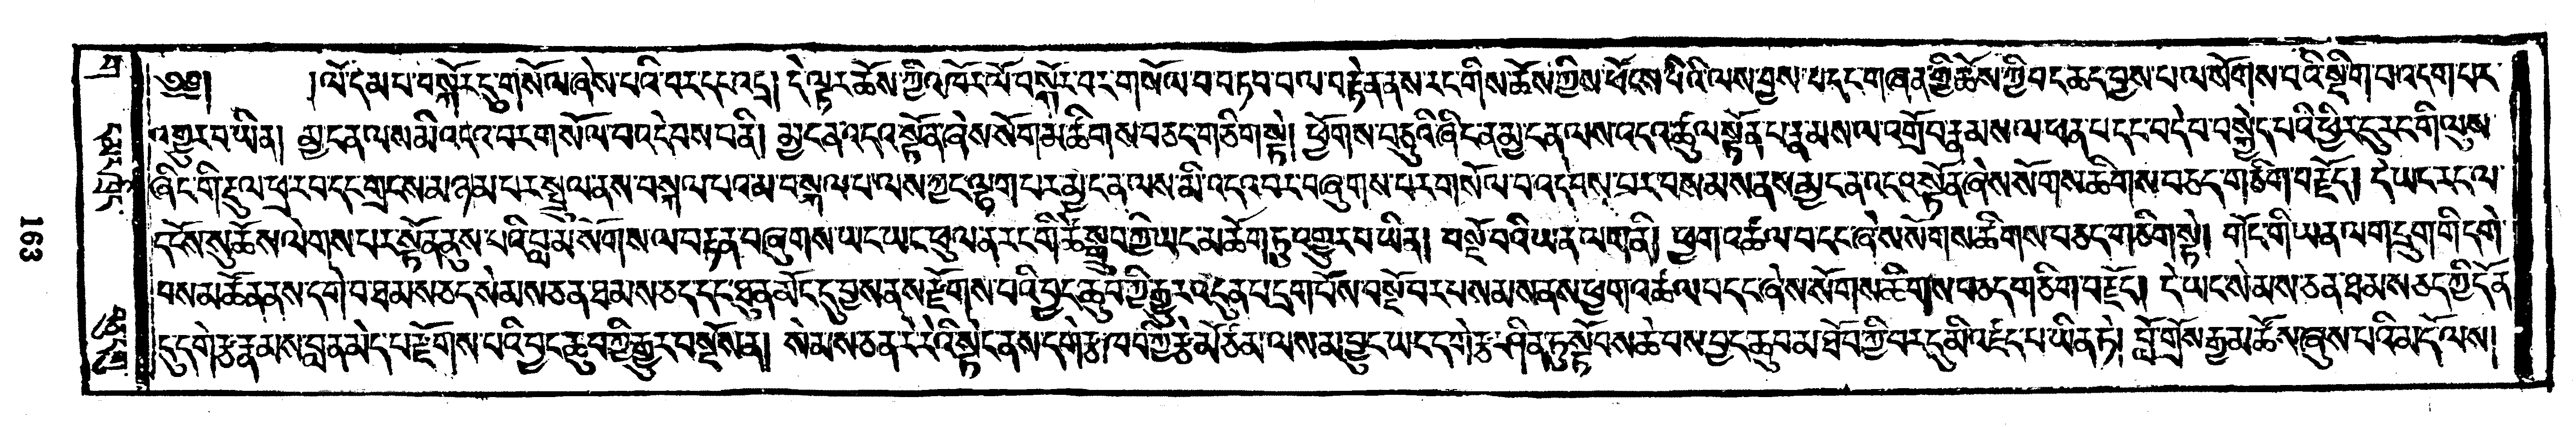༄༅། །ལོ་དམ་པ་བསྐོར་དུ་གསོལ་ཞེས་པའི་བར་དང་འདྲ། དེ་ལྟར་ཆོས་ཀྱི་འཁོར་ལོ་བསྐོར་བར་གསོལ་བ་བཏབ་བ་ལ་བརྟེན་ནས་རང་གིས་ཆོས་ཀྱིས་ཕོངས་པིའི་ལས་བྱས་པ་དང་གཞན་གྱི་ཆོས་ཀྱི་བང་ཆད་བྱས་པ་ལ་སོགས་པའི་སྡིག་པ་འདག་པར་
འགྱུར་བ་ཡིན། མྱ་ངན་ལས་མི་འདའ་བར་གསོལ་བ་འདེབས་པ་ནི། མྱ་ངན་འདའ་སྟོན་ཞེས་སོག་མ་ཚིགས་བཅད་གཅིག་སྟེ། ཕྱོགས་བཅུའི་ཞིང་ན་མྱ་ངན་ལས་འདའ་ཚུལ་སྟོན་པ་རྣམས་ལ་འགྲོ་བ་རྣམས་ལ་ཕན་པ་དང་བདེ་བ་བསྐྱེད་པའི་ཕྱིར་དུ་རང་གི་ལུས་
ཞིང་གི་རྡུལ་ཕྲ་རབ་དང་གྲངས་མཉམ་པར་སྤྲུལ་ནས་བསྐལ་པའམ་མ་བསྐལ་བ་ལས་ཀྱང་ལྷག་པར་མྱ་ངན་ལས་མི་འདའ་བར་བཞུགས་པར་གསོལ་བ་འདེབས་པར་བསམས་ནས་མྱང་ན་འདའ་སྟོན་ཞེས་སོགས་ཚིགས་བཅད་གཅིག་བརྗོད། དེ་ཡང་རང་ལ་
དངོས་སུ་ཆོས་ལེགས་པར་སྟོན་ནུས་པའི་བླ་མ་སོགས་ལ་བརྟན་བཞུགས་ཡང་ཡང་ཕུལ་ན་རང་གི་ཚེ་སྒྲུབ་ཀྱི་ཡང་མཆོག་ཏུ་འགྱུར་པ་ཡིན། བསྔོ་བའི་ཡན་ལག་ནི། ཕྱག་འཚལ་བ་དང་ཞེས་སོགས་ཚིགས་བཅད་གཅིག་སྟེ། གོང་གི་ཡན་ལག་དྲུག་གི་དགེ་
པས་མཚོན་ནས་དགེ་བ་ཐམས་ཅད་སེམས་ཅན་ཐམས་ཅད་དང་ཐུན་མོང་དུ་བྱས་ནས་རྫོགས་པའི་བྱང་ཆུབ་ཀྱི་རྒྱུར་འདུན་པ་དྲག་པོས་བསྔོ་བར་བསམས་ནས་ཕྱག་འཚལ་བ་དང་ཞེས་སོགས་ཚིགས་བཅད་གཅིག་བརྗོད། དེ་ཡང་སེམས་ཅན་ཐམས་ཅད་ཀྱི་དོན་
དུ་དགེ་རྩ་རྣམས་བླ་ན་མེད་པ་རྫོགས་པའི་བྱང་ཆུབ་ཀྱི་རྒྱུར་བསྔོས་ན། སེམས་ཅན་རེ་རེའི་སྟེང་ནས་དགེ་རྩ་ཁབ་ཀྱི་རྩེ་མོ་ཙམ་ལས་མ་བྱུང་ཡང་དགེ་རྩ་ཤིན་ཏུ་སྟོབས་ཆེ་བས་བྱང་ཆུབ་མ་ཐོབ་ཀྱི་བར་དུ་མི་འཛད་པ་ཡིན་ཏེ། བློ་གྲོས་རྒྱ་མཚོས་ཞུས་པའི་མདོ་ལས།